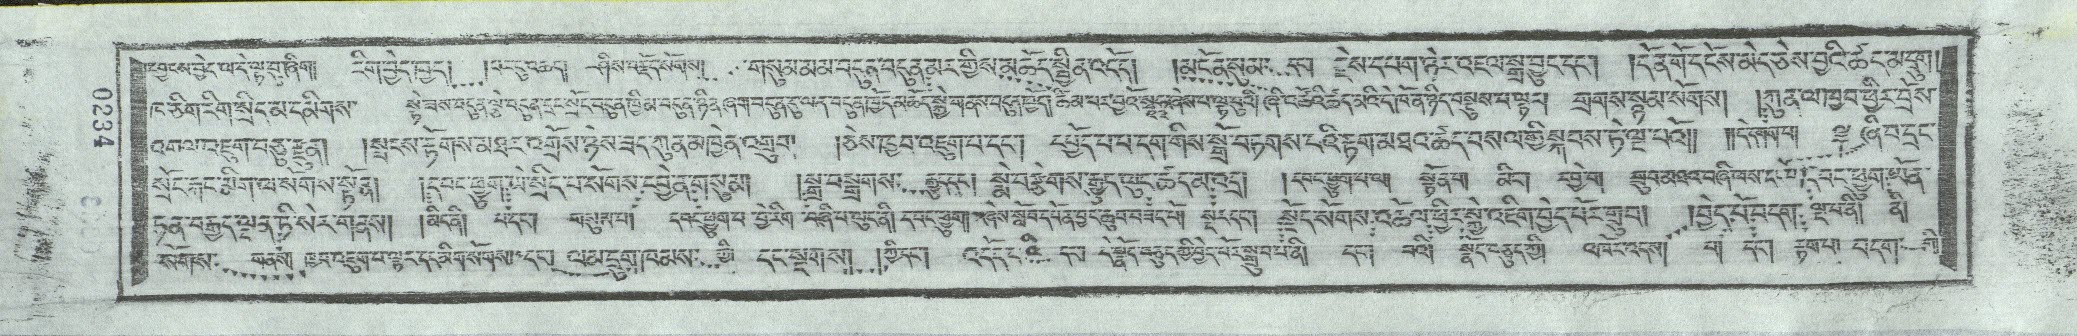དབྱངས་བྱེད་ལ་དེ་ལྟ་བུ་ཞིག། རིག་བྱེད་ཁྱད། །པར་དུ་འཆད། ཤིས་བརྗོད་སོགས། གསུམ་མམ་བདུན་བདུན་མང་གྱིས་མཆོད་སྦྱིན་འདོད། །མངོན་སམ་དང་། རྗེས་དཔག་ཉེར་འཇལ་སྒྲ་བྱུང་དང་། །དོན་གོ་དངོས་མེད་ཅེས་བྱའི་ཚང་མདུག།
ཁ་ཅིག་རིག་སྲིད་མ་དམིགས་སྟགས་བདུན་ལྕེ་བདུན་དྲས་སྲོང་བདུན་ཉིན་ཞག་བ་དུན་དུ་ལན་མདུན་ཁྱོད་པའི་སྐྱེ་གནས་?????་བྱའོ་???་ཞི་འཚོའི་ཚད་མའི་ཁོ་ན་ཉིད་བསྡུས་པ་ལྟར། གྲགས་སྙམས་སོགས། །ཀུན་ལ་ཁྱབ་ཕྱིར་བོས་
འགལ་འཇུག་བཅུ་རྫུན། །སྤངས་རྟོགས་མཐར་འགྲོས་ཉེས་ཟད་ཀུན་མཁྱེན་འགྲུབ། །ཅེས་ཁྱབ་འཇུག་པ་དང་། དཔྱོད་པ་དག་གིས་སྒྲོ་བཏགས་པའི་རྟག་མཐའ་ཚད་པས་ལ་ཀྱི་སྐབས་ཏེ་ལྔ་བའོ། །དེ་དག། ཞི་བ་དྲ་
སྲོང་རྐང་མིག་ལ་སོགས་སྟོན། །དབང་ཕྱུག་ཡེ་སྲིད་པ་སོགས་དབྱེན་གསུམ། །སྒྲ་བསྒྲགས་རྒྱ་དང་། སྨེ་བརྩེགས་རྒྱུད་ལུང་ཚད་མ་འདྲ། །དབང་ཕྱུག་པ་ལ། སྟོན་པ། མིང་། དབྱེ་པ། གྲུབ་མཐའ་བཞི་དཔོག་དབང་ཕྱུག་ཡོན་
ཏན་བརྒྱད་ལྡན་ཏི་སེར་གནས། །རིན་ནི། པ་དང་གསུམ་པ་དག་ཕྱུག་བ་བྱེ་རིག། བཞི་པ་ལུང་ནི། དབང་ཕྱུག། ཞེས་སློབ་དཔོན་ཟང་ཆུབ་བཟང་པོ། སྡེ་སོགས་འཆོལ་ཕྱིར་སྐྱེ་འཇིག་བྱེད་པོར་གྲུབ། །བྱེད་པོ་བདག་ལྔ་ཞི་ནི།
སོགས་གནས་ཁྱབ་འཇུག་བ་ལྟར་དམིགས་སོགས། །དང་། ལམ་དྲུག་ཁམས་ཤི་དང་སྔགས། གྱི་དང་། འདོད་པའི་དེ་སྣོད་ཀྱི་བྱེད་པོ་སྒྲུབ་པ་ནི། དང་། སྣོད་བཅུད་ཀྱི་འཁོར་འདས་པ། དང་། རྟག། བདག་གི།